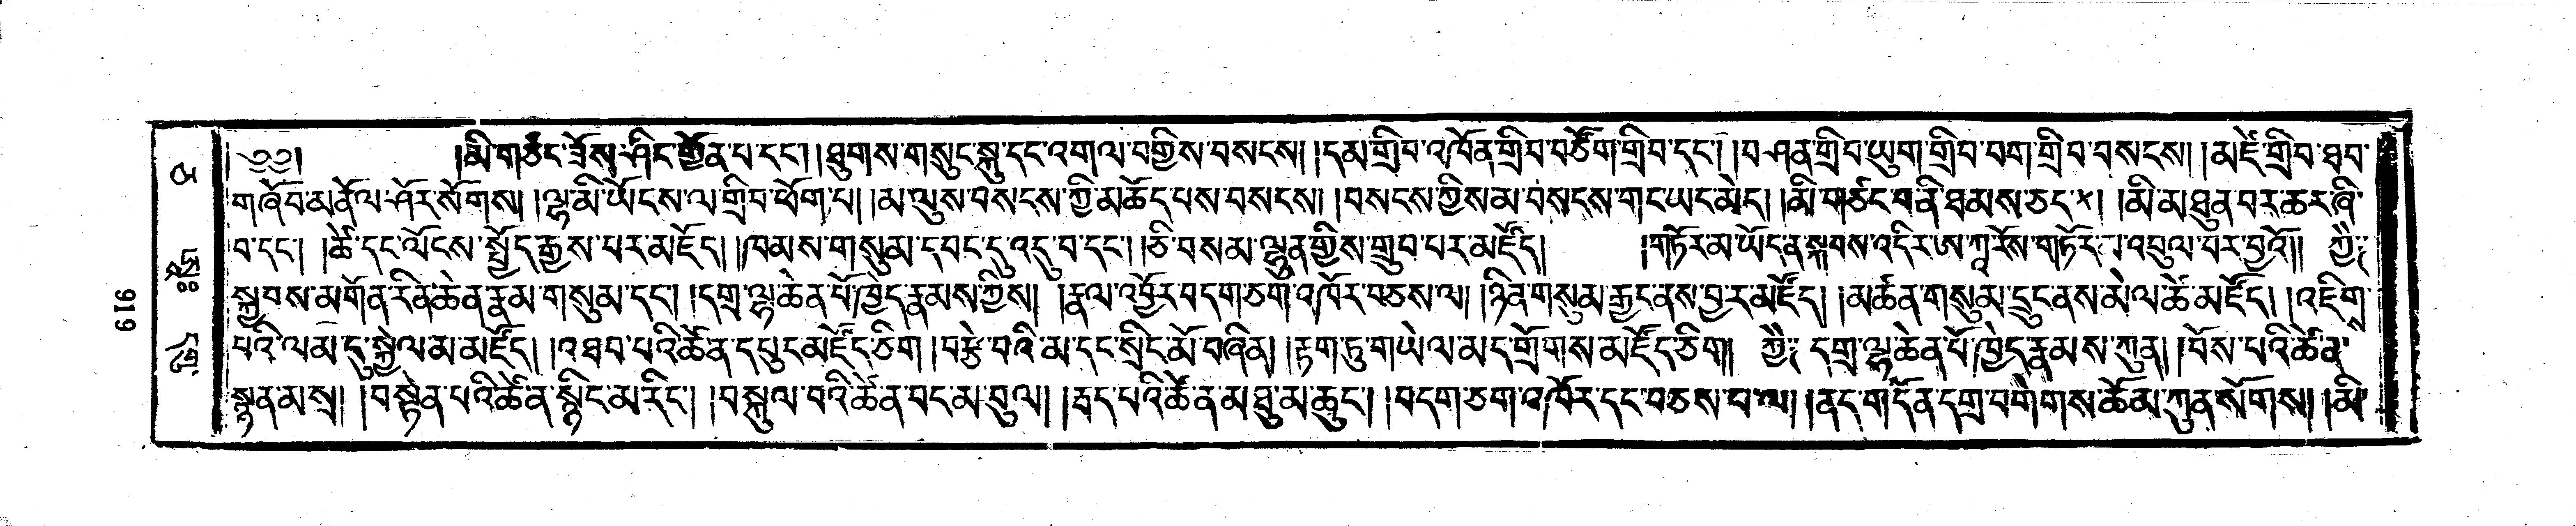༄༅། །མི་གཙང་ཟོས་ཤིང་གྱོན་པ་དང་། །ཐུགས་གསུང་སྐུ་དང་འགལ་བགྱིས་བསངས། །དམ་གྲིབ་འཁོན་གྲིབ་བཙོག་གྲིབ་དང་། །བཤན་གྲིབ་ཡུག་གྲིབ་བག་གྲིབ་བསངས། །མཛེ་གྲིབ་ཐབ་
གཞོབ་མནོལ་ཤོར་སོགས། །ལྷ་མི་ཡོངས་ལ་གྲིབ་ཕོག་པ། །མ་ལུས་བསངས་ཀྱི་མཆོད་པས་བསངས། །བསངས་ཀྱིས་མ་བསངས་གང་ཡང་མེད། །མི་གཙང་བ་ནི་ཐམས་ཅད་྾། །མི་མཐུན་བར་ཆད་ཞི་
བ་དང་། །ཚེ་དང་ལོངས་སྤྱོད་རྒྱས་པར་མཛོད། །ཁམས་གསུམ་དབང་དུ་འདུ་བ་དང་། །ཅི་བསམ་ལྷུན་གྱིས་གྲུབ་པར་མཛོད། །གཏོར་མ་ཡོད་ན་སྐབས་འདིར་ཨ་ཀཱ་རོས་གཏོར་མ་འབུལ་བར་བྱའོ།། ཀྱཻ༑
སྐྱབས་མགོན་རིན་ཆེན་རྣམ་གསུམ་དང་། །དགྲ་ལྷ་ཆེན་པོ་ཁྱེད་རྣམས་ཀྱིས། །རྣལ་འབྱོར་བདག་ཅག་འཁོར་བཅས་ལ། །ཉིན་གསུམ་རྒྱང་ནས་བྱར་མཛོད། །མཚན་གསུམ་དྲུང་ནས་མེལ་ཚེ་མཛོད། །འཇིགས་
པའི་ལམ་དུ་སྐྱེལ་མ་མཛོད། །འཐབ་པའི་ཚེ་ན་དཔུང་མཛོད་ཅིག །བརྩེ་བའི་མ་དང་སྲིང་མོ་བཞིན། །རྟག་ཏུ་གཡེལ་མེད་གྲོགས་མཛོད་ཅིག །ཀྱཻ༑ དགྲ་ལྷ་ཆེན་པོ་ཁྱེད་རྣམས་ཀུན། །བོས་པའི་ཚེ་ན་
སྙན་མ་སྲ། །བསྟེན་པའི་ཚེ་ན་སྙིང་མ་རིང་། །བསྐུལ་བའི་ཚེ་ན་བང་མ་བུལ། །རྦད་པའི་ཚེ་ན་མཐུ་མ་ཆུང་། །བདག་ཅག་འཁོར་དང་བཅས་པ་ལ། །ནད་གདོན་དགྲ་བགེགས་ཆོམ་ཀུན་སོགས། །མི་